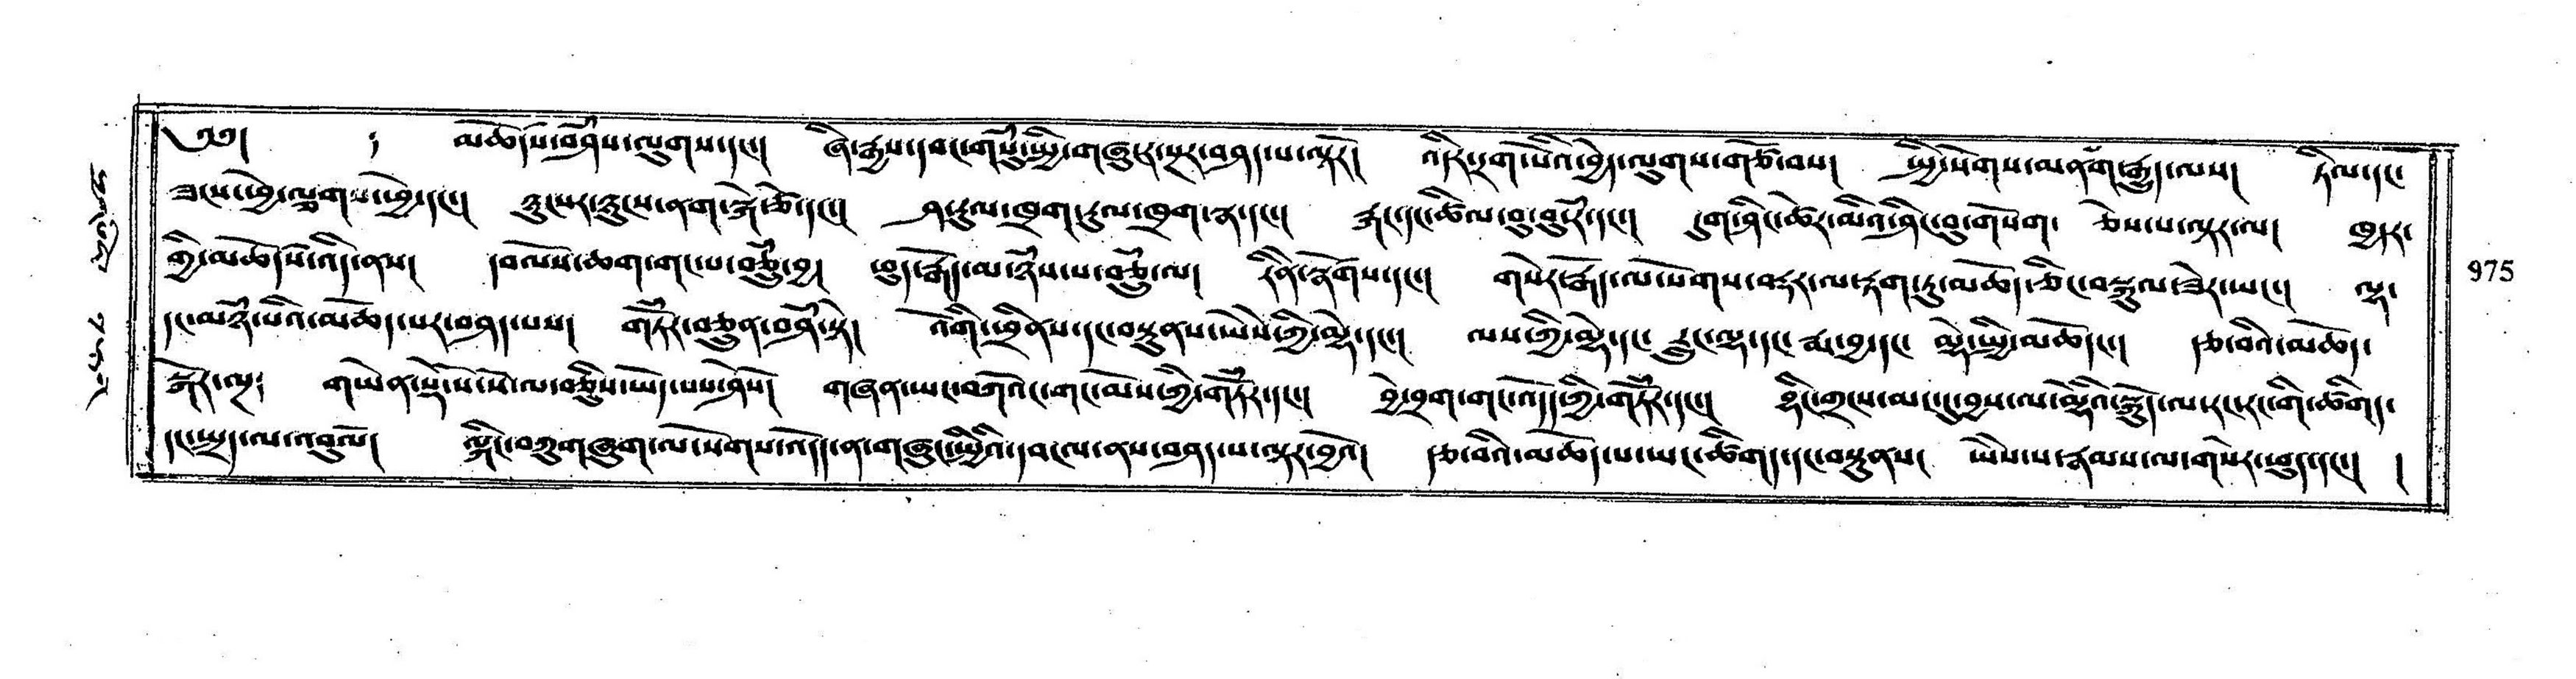མཆོད་རྫས་བཤམས་ལུགས་དང་། ཞི་རྒྱས་དབང་གསུམ་སྤྱི་གཞུང་ལྟར་སྔར་བཤད་པ་ལྟར་རོ། འདིར་དྲག་པོའི་བྱེད་ལུགས་གཙོ་བས། སྤྱི་སོགས་མན་ངག་རྒྱུད་ལས། རིལ་དང་
ཟངས་ཕྱེ་ལྕགས་ཕྱེ་དང་། ཉུངས་དཀར་ཉུངས་ནག་སྐེ་ཙེ་དང་། ཤ་ཏུལ་ཁྲག་ཏུལ་ཁྲག་སྣ་དང་། རྐང་དང་ཚིལ་བུ་བུ་རཾ་དང་། དུག་ཤིང་ཚེར་མའི་ཤིང་བུ་གསོག་ཅེས་པ་ལྟར་ལ། ཁྱད་པར་
གྱི་མཆོད་རྫས་འདི་ནས། །བལ་པོས་ཆག་གང་ལ་བཅུ་གསུམ་བྱ། ཕུད་རྒོད་མ་ཉམས་པ་བཅུ་གསུམ་ལ། རིན་ཆེན་སྣ་ཚོགས་དང་། གསེར་རྒོད་ལ་སོགས་བརྡར་ལ་རྟག་ཏུ་མཆོད་ཅིང་བསྐུལ་ཟེར་ཡང་། ལྷ་
དང་མཉམ་པའི་མཆོད་པར་བཤད་པས། གཏོར་མ་བཅུ་བདུན་བཤམ་སྟེ། འོག་གི་ཕྲིན་ལས་དང་བསྟུན་ནས་ཡེ་ཤེས་ཀྱི་མེ་ལྷ་དང་། ལས་ཀྱི་མེ་ལྷ་དང་རླུང་ལྷ་དང་རྨ་བྱ་དང་མེ་ལྷ་སྤྱི་མཆོད་དང་། རྩ་བའི་མཆོད་
སྐོར་ལྔ། གཡེན་སྡེ་སོ་སོ་ལ་བཅུ་གཉིས་ཡོད་པས་ཤེས་སོ། གཞན་ཡང་བཀའ་སྐྱོང་གང་མོས་ཀྱི་གཏོར་མ་དང་། བྱེ་བྲག་གང་འདོད་ཀྱི་གཏོར་མ་དང་། བྷ་ལིང་གྲངས་མང་དུ་བྱས་ལ་ལྷ་འདྲེའི་སྐུ་བསྟོད་ལ་རང་རང་གི་ཚིག་བཤད་
དག་སྤྲད་ལ་འབུལ་ལོ། ལྐིང་བཀུག་གཞུག་ལ་སོགས་འདོད་ན་གཞུང་སྤྱིའི་དབང་བསྐུལ་ནས་བཤད་པ་ལྟར་བྱའོ། རྩ་བའི་མཆོད་པ་ཡང་ཚིག་བཤད་དང་བསྟུན་ནས། ཡེ་ཤེས་པ་རྣམས་ལ་གསེར་ཕུད་དང་།